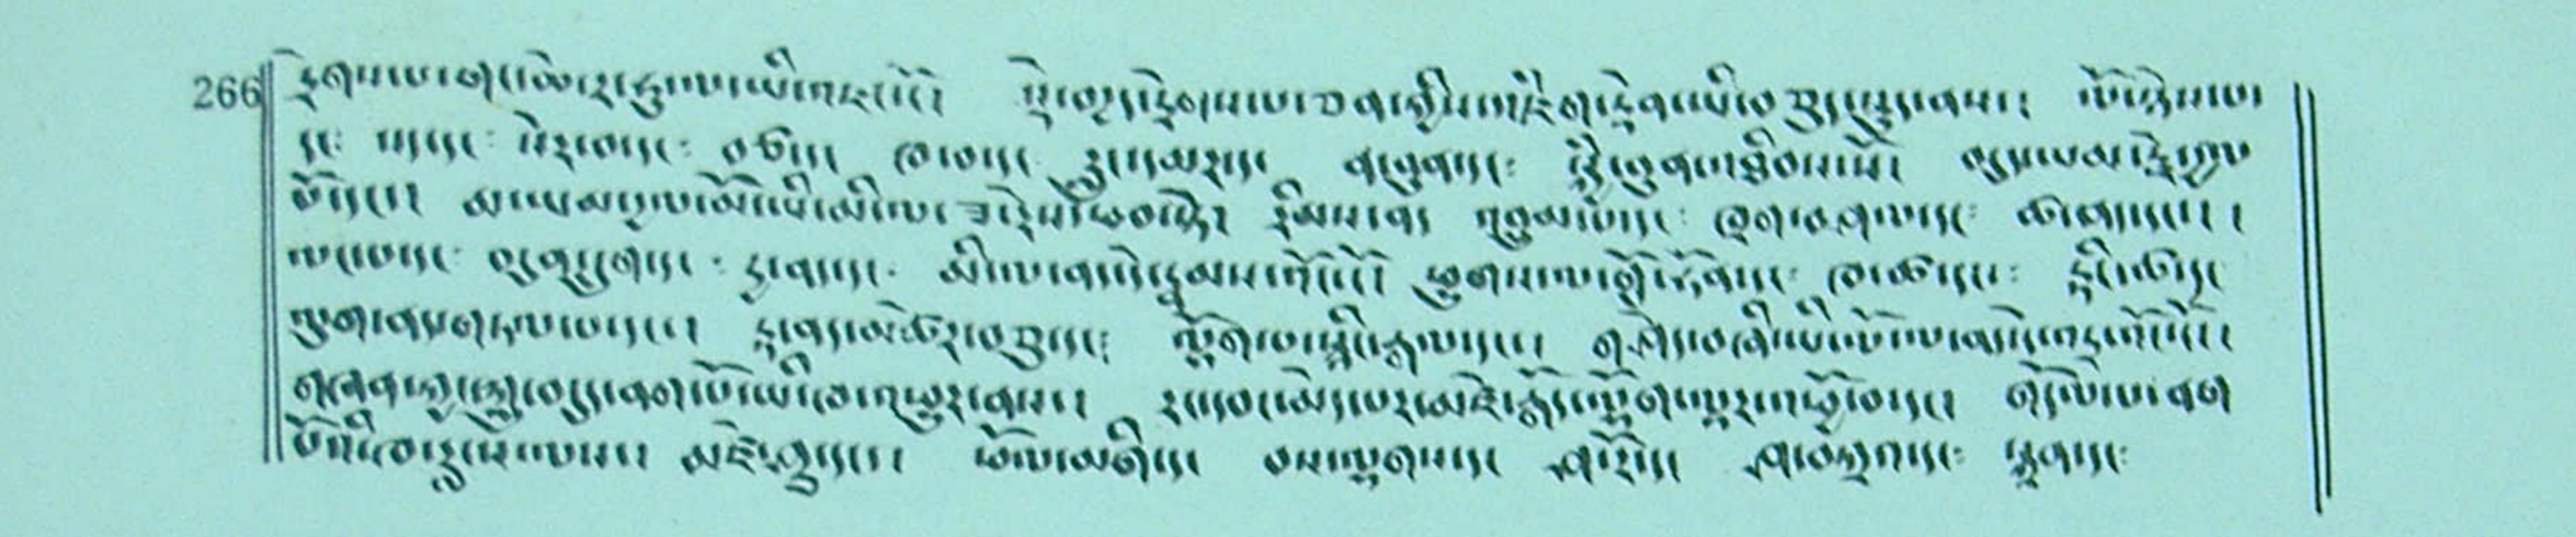དྲེག་པ་གང་ཆེ་ར་ཧུ་ལ་ཡི་འཇང་ངོ་། །སྡེ་བརྒྱད་དྲེག་པ་ཅན་གྱིས་འཇིག་རྟེན་གྱི་བཅུད་བསྡུས་ནས། ལོ་ཉེས་པ་
དང་སད་དང་། སེར་བ་དང་། བཙ་དང་། ཁ་བ་དང་། རླུང་དམར་དང་། ན་བུན་དང་། སྐྱི་བུན་འཐིབས་སོ། །བདུད་ཡམས་རྗེ་རྒྱལ་
པོ་དང་། མ་ཡམས་རྒྱལ་མོ་ཡི་མི་ལ་ཟ་རེས་ཕབ་སྟེ། རིམས་ནད། འབྲུམ་པ་དང་། ཁྲག་བཤལ་བ་དང་། ཚ་ནད་དང་། 
ལངས་པ་དང་། བདུན་དྲུག་དང་། རྒྱ་ནད་དང་། མི་ལ་ནད་དེ་རྣམས་འོང་ངོ་། ཕྱུགས་ལ་གློ་ཧོན་དང་། ཁ་ཚ་དང་། རྟིང་ཚ་དང་། 
ལུག་ནད་གཏལ་བ་དང་། རྟ་ནད་མཚེར་བཅུ་དང་། ལྷོག་པ་སྙིང་རྒལ་དང་། གཤེད་བཞི་ཡི་ལོ་ལ་ནད་དེ་འདྲ་འོང་ངོ་། 
།གཞན་ཀྱང་ཀླུ་བདུད་ནག་པོ་ཡི་ཁ་འཕྱུར་ནས། རང་དབང་མེད་པར་མཛེ་རྒོད་ལྷོག་ལྟར་འཕྱོ་བ་དང་། གདོལ་བ་ནག་
པོའི་ཁ་རླངས་ལས། མཛེ་ཤུ་དང་། ཕོལ་མིག་དང་། བས་ལྷག་དང་། ཤ་རོ། ཤ་བཀྲ་དང་། སྐྲན་དང་།